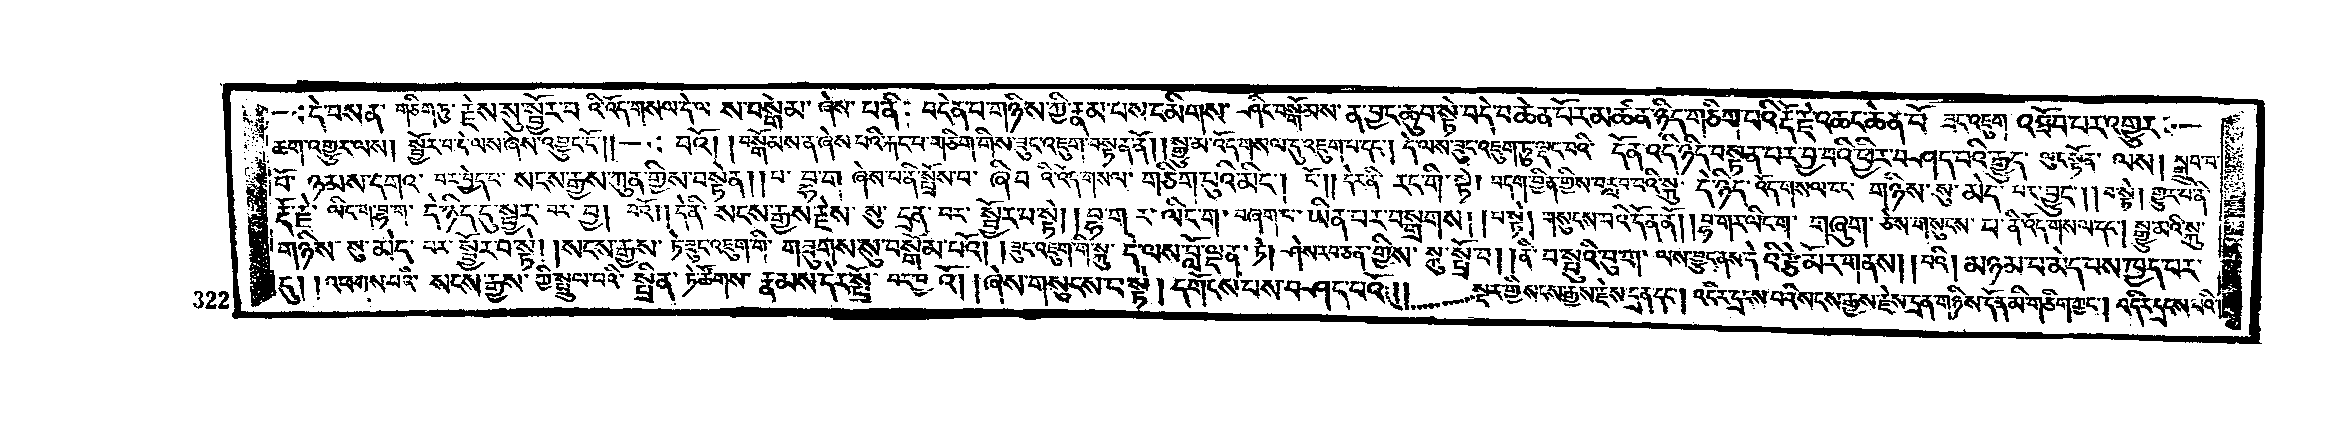.Hདེ་བས་ན་གཅིག་ཏུ་རྗེས་སུ་སྦྱོར་བའི་འོད་གསལ་དེ་ལས་བསྒོམ་ཞེས་པ་ནི། བདེན་པ་གཉིས་ཀྱི་རྣམ་པས་དམིགས་ཤིང་བསྒོམས་ན་བྱང་ཆུབ་སྟེ་བདེ་བ་ཆེན་པོར་མཚན་ཉིད་གཅིག་པའི་རྡོ་རྗེ་འཆང་ཆེན་པོ་ཟང་འཇུག་འཐོབ་པར་འགྱུརཿ
ཆག་འགྱུར་ལས། སྦྱོར་བ་དེ་ལས་ཞེས་འབྱུང་ངོ།། .H བའོ། །བསྒོམས་ན་ཞེས་པའི་རྐང་པ་གཅིག་གིས་ཟུང་འཇུག་བསྟན་ནོ། །སྒྱུ་མ་འོད་གསལ་དུ་འཇུག་པ་དང་། དེ་ལས་ཟུང་འཇུག་ཏུ་ལྡང་བའི་དོན་འདི་ཉིད་བསྟན་པར་བྱ་བའི་ཕྱིར་བཤད་པའི་རྒྱུད་ལུང་སྟོན་ལས། སྒྲུབ་པ
པོ་ཉམས་དགའ་བར་བྱེད་པ་སངས་རྒྱས་ཀུན་གྱིས་བསྟེན། ། པ་བྷ་ག་ཞེས་པ་ནི་སྤྲོས་པ་ཞི་བའི་འོད་གསལ་གཅིག་བུའི་མིང་། ངོ། །དེར་ནི་རང་གི་སྟེ། བདག་བྱིན་གྱིས་བརླབ་པའི་སྐུ་དེ་ཉིད་འོད་གསལ་དང་གཉིས་སུ་མེད་པར་བྱུང་། །བ་སྟེ། གྱུར་པ་ནི
རྡོ་རྗེ་ལིང་ག་བྷ་ག།  དེ་ཉིད་དུ་སྦྱར་བར་བྱ། བའོ། །དེ་ནི་སངས་རྒྱས་རྗེས་སུ་དྲན་པར་སྦྱོར་བ་སྟེ། །བྷ་ག་ར་ཡིད་ག་བཞག་པ་ཡིན་པར་བསྒྲགས། ། པ་སྟེ། གསུངས་པའི་དོན་ནོ། །བྷ་གར་ལིང་ག་གཞུག་ཅེས་གསུངས་པ་ནི་འོད་གསལ་དང་། སྒྱུ་མའི་སྐུ
གཉིས་སུ་མེད་པར་སྦྱོར་བ་སྟེ། །སངས་རྒྱས་ཏེ་ཟུང་འཇུག་གི་གཟུགས་སུ་བསྒོམ་པའོ། །ཟུང་འཇུག་གི་སྐུ་དེ་ལས་བློ་ལྡན་ཏེ། ཤེས་རབ་ཅན་གྱིས་སྐུ་སྤྲོ་བ། །ནི་བ་སྤུའི་བུ་ག། ལས་བྱུང་ནས་དེའི་རྩེ་མོར་གནས། །པའི།  མཉམ་པ་མེད་པས་ཁྱད་པར་
དུ། ། འཕགས་པའི་སངས་རྒྱས་ཀྱི་སྤྲུལ་པའི་སྤྲིན་ཏེ་ཚོགས་རྣམས་དེར་སྤྲོ་བར་བྱའོ།  །ཞེས་གསུངས་པ་སྟེ། དགོངས་པས་བཤད་པའོ། །སྔར་གྱི་སངས་རྒྱས་རྗེས་དྲན་དང་། འདིར་དྲངས་པའི་སངས་རྒྱས་རྗེས་དྲན་གཉིས་དོན་མི་གཅིག་ཀྱང་། འདིར་དྲངས་བའི་